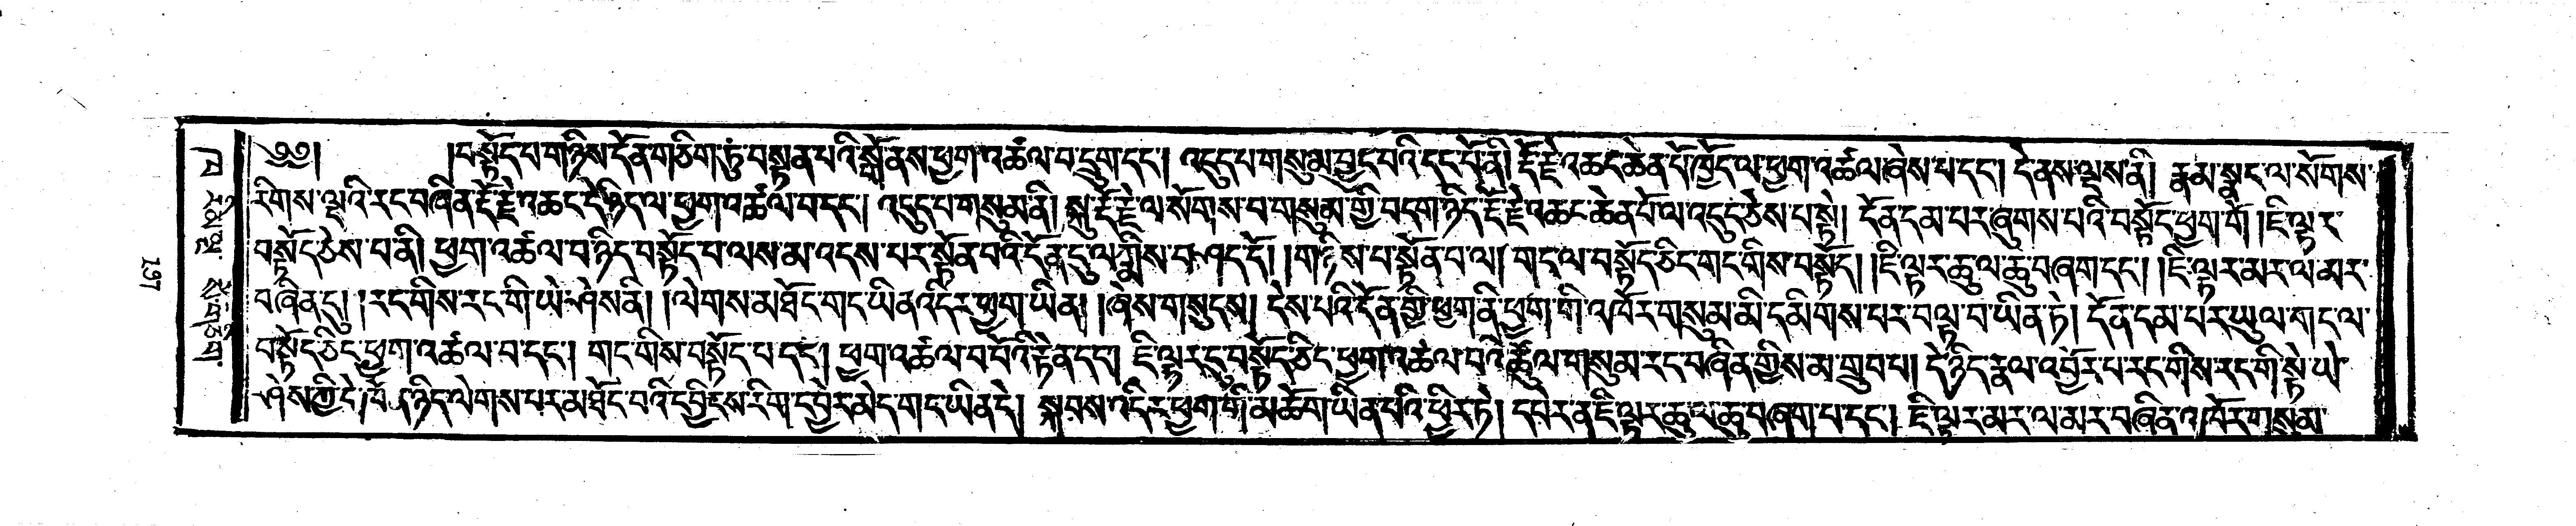༄༅། །བསྟོད་པ་གཉིས་དོན་གཅིག་ཏུ་བསྟན་པའི་སྒོ་ནས་ཕྱག་འཚལ་བ་དྲུག་དང་། འདུད་པ་གསུམ་བྱུང་བའི་དང་པོ་ནི། རྡོ་རྗེ་འཆང་ཆེན་པོ་ཁྱོད་ལ་ཕྱག་འཚལ་ཞེས་པ་དང་། དེ་ནས་ལྔས་ནི། རྣམ་སྣང་ལ་སོགས་
རིགས་ལྔའི་རང་བཞིན་རྡོ་རྗེ་འཆང་དེ་ཉིད་ལ་ཕྱག་འཚལ་བ་དང་། འདུད་པ་གསུམ་ནི། སྐུ་རྡོ་རྗེ་ལ་སོགས་པ་གསུམ་གྱི་བདག་ཉིད་རྡོ་རྗེ་འཆང་ཆེན་པོ་ལ་འདུད་ཅེས་པ་སྟེ། དོན་དམ་པར་ཞུགས་པའི་བསྟོད་ཕྱག་གོ །ཇི་ལྟར་
བསྟོད་ཅེས་པ་ནི། ཕྱག་འཚལ་བ་ཉིད་བསྟོད་པ་ལས་མ་འདས་པར་སྟོན་པའི་དོན་དུ་ལཀྨིས་བཤད་དོ། །གཉིས་པ་སྟོན་པ་ལ། གང་ལ་བསྟོད་ཅིང་གང་གིས་བསྟོད། །ཇི་ལྟར་ཆུ་ལ་ཆུ་བཞག་དང་། །ཇི་ལྟར་མེར་ལ་མར་
བཞིན་དུ། །རང་གིས་རང་གི་ཡེ་ཤེས་ནི། །ལེགས་མཐོང་གང་ཡིན་འདིར་ཕྱག་ཡིན། །ཞེས་གསུངས། ངེས་པའི་དོན་གྱི་ཕྱག་ནི་ཕྱག་གི་འཁོར་གསུམ་མི་དམིགས་པར་བལྟ་བ་ཡིན་ཏེ། དོན་དམ་པར་ཡུལ་གང་ལ་
བསྟོད་ཅིང་ཕྱག་འཚལ་བ་དང་། གང་གིས་བསྟོད་པ་དང་། ཕྱག་འཚལ་བ་པོའི་རྟེན་དང་། ཇི་ལྟར་དུ་བསྟོད་ཅིང་ཕྱག་འཚལ་བའི་ཚུལ་གསུམ་རང་བཞིན་གྱིས་མ་གྲུབ་པ། དེ་ཉིད་རྣལ་འབྱོར་བ་རང་གིས་རང་གི་སྟེ་ཡེ་
ཤེས་ཀྱི་དེ་ཁོ་ན་ཉིད་ལེགས་པར་མཐོང་བའི་དབྱིངས་རིག་དབྱེར་མེད་གང་ཡིན་དེ། སྐབས་འདིར་ཕྱག་གི་མཆོག་ཡིན་པའི་ཕྱིར་ཏེ། དཔེར་ན་ཇི་ལྟར་ཆུ་ལ་ཆུ་བཞག་པ་དང་། ཇི་ལྟར་མར་ལ་མར་བཞིན་འཁོར་གསུམ་